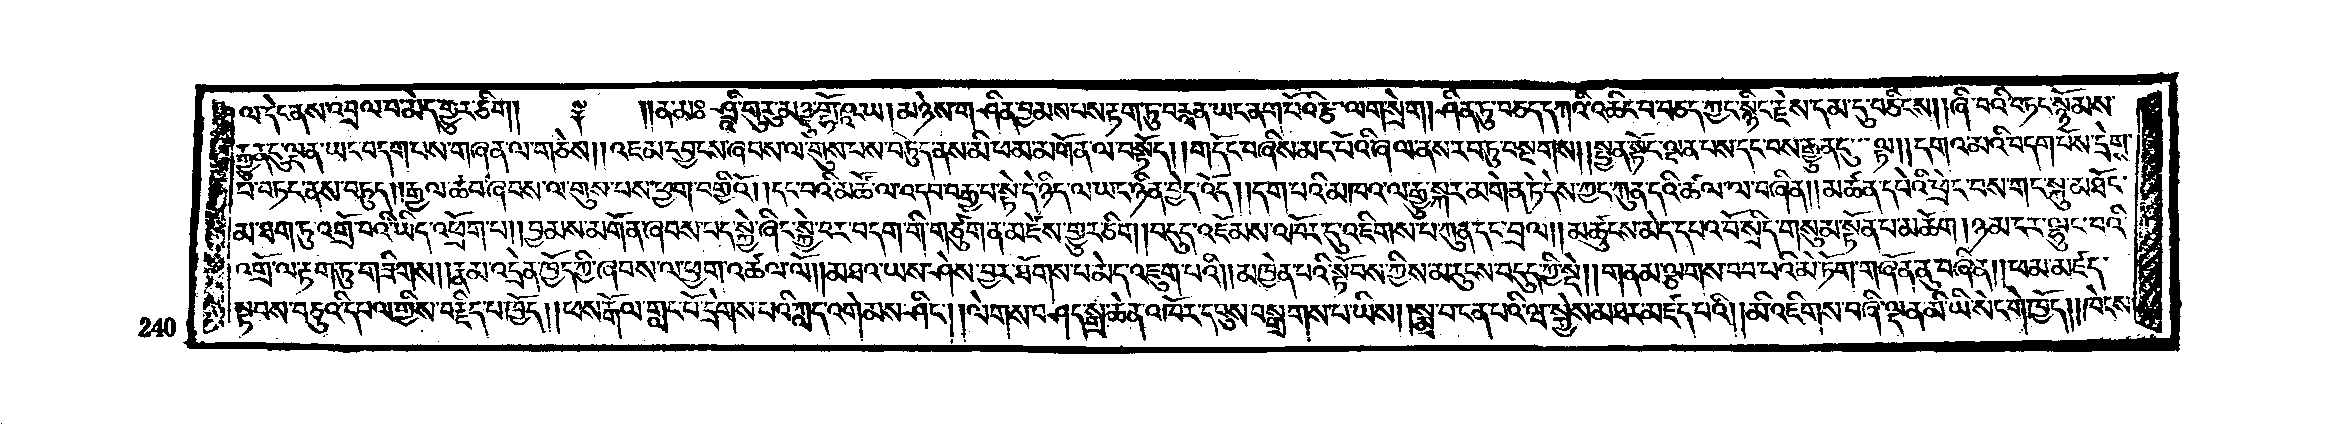༈ །།ན་མཿ ཤྲཱི་གུ་རུ་མཉྫུ་གྷོ་ཥཱ་ཡ། མཉེས་གཤིན་བྱམས་པས་རྟག་ཏུ་བརླན་ཡང་ནག་པོའི་རྩ་ལག་སྲེག །ཤིན་ཏུ་བཅད་དཀའི་འཆིང་བ་བཅད་ཀྱང་སྙིང་རྗེས་དམ་དུ་བཅིངས། །ཞི་བའི་བཏང་སྙོམས་
རྒྱུན་དུ་ལྡན་ཡང་བདག་པས་གཞན་ལ་གཅེས། །འཇམ་དབྱངས་ཞབས་ལ་གུས་པས་བཏུད་ནས་མི་ཕམ་མགོན་ལ་བསྟོད། །གདོང་བཞིས་མང་པོའི་ཞལ་ནས་རབ་ཏུ་བསྔགས། །སྤྱན་སྟོང་ལྡན་པས་དང་བས་རྒྱུན་དུ་ལྟ། །དགའ་མའི་བདག་པོས་དྲེགས་
པ་བཏང་ནས་བཏུད། །རྒྱལ་ཚབ་ཞབས་ལ་གུས་པས་ཕྱག་བགྱིའོ། །དང་བའི་མཚོ་ལ་འདབ་བརྒྱ་པ་སྟེ་དེ་ཉིད་ལ་ཡང་ཉིན་བྱེད་འོད། །དག་པའི་མཁའ་ལ་རྒྱུ་སྐར་མགོན་ཏེ་དེས་ཀྱང་ཀུན་དའི་ཚལ་ལ་བཞིན། །མཚན་དཔེའི་ཕྲེང་བས་གང་སྐུ་མཐོང་
མ་ཐག་ཏུ་འགྲོ་བའི་ཡིད་འཕྲོག་པ། །བྱམས་མགོན་ཞབས་པད་སྐྱེ་ཞིང་སྐྱེ་བར་བདག་གི་གཙུག་ན་མཛེས་གྱུར་ཅིག །བདུད་འཇོམས་འཁོར་དུ་འཇིགས་པ་ཀུན་དང་བྲལ། །མཚུངས་མེད་དཔའ་བོ་སྲིད་གསུམ་སྟོན་པ་མཆོག །ཉམ་ངར་ལྷུང་བའི་
འགྲོ་ལ་རྟག་ཏུ་གཟིགས། །རྣམ་འདྲེན་ཁྱོད་ཀྱི་ཞབས་ལ་ཕྱག་འཚལ་ལོ། །མཐའ་ཡས་ཤེས་བྱོར་ཐོགས་པ་མེད་འཇུག་པའི། །མཁྱེན་པའི་སྟོབས་ཀྱིས་མ་རུངས་བདུད་ཀྱི་སྡེ། །གནམ་ལྕགས་བབ་པའི་མེ་ཏོག་གཞོན་ནུ་བཞིན། །ཕམ་མཛད་
སྟོབས་བཅུའི་དཔལ་གྱིས་བརྗིད་པ་ཁྱོད། །ཕས་རྒོལ་གླང་པོ་དྲེགས་པའི་ཀླད་འགེམས་ཤིང་། །ལེགས་བཤད་སྒྲ་ཆེན་འཁོར་དབུས་བསྒྲགས་པ་ཡིས། །སྨྲ་བ་ངན་པའི་ཝ་སྐྱེས་མཐར་མཛད་པའི། །མི་འཇིགས་བཞི་ལྡན་མི་ཡི་སེང་གེ་ཁྱོད། །ཁེངས་